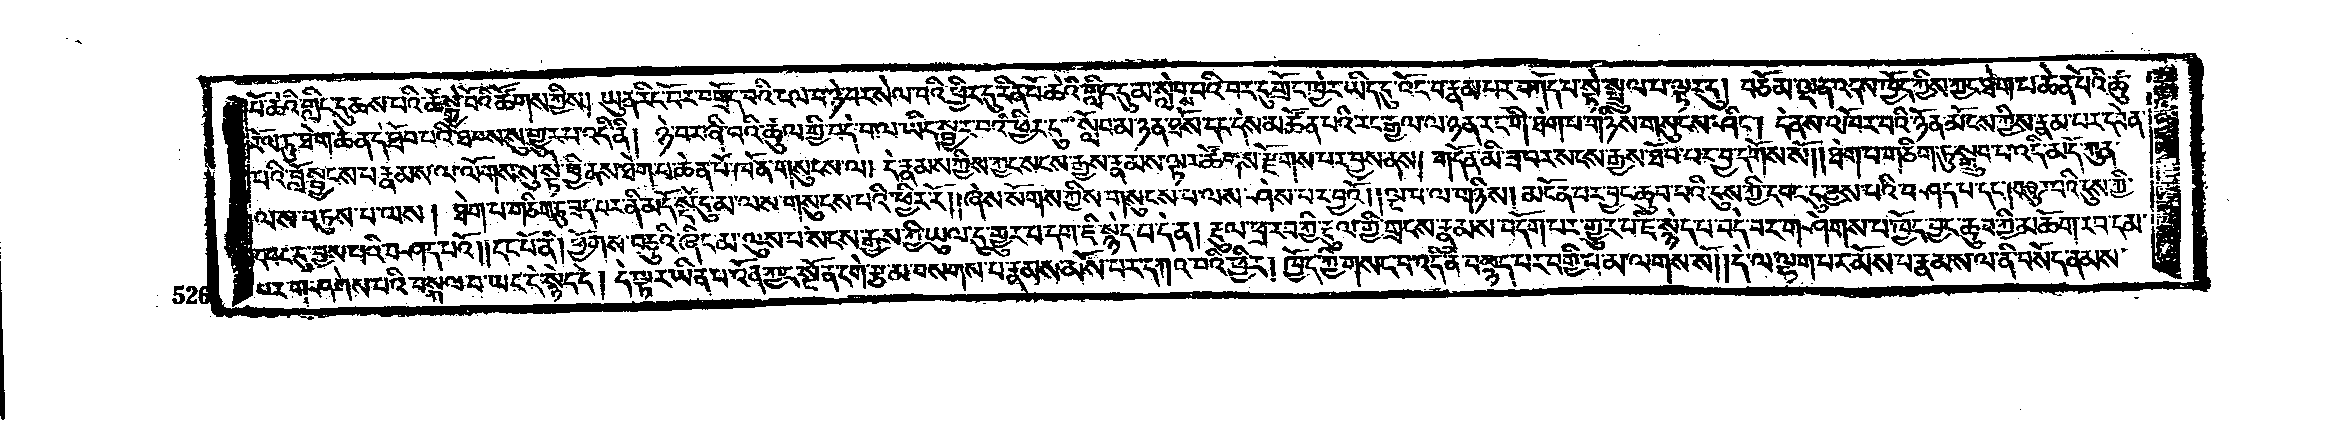པོ་ཆེའི་གླིང་དུ་ཆས་པའི་ཚེ་སྐྱེ་བོའི་ཚོགས་ཀྱིས། ཡུན་རིང་པོར་བགྲོད་བའི་ངལ་བ་ཉེ་བར་སེལ་བའི་ཕྱིར་དུ་རིན་པོ་ཆེའི་གླིང་དུ་མ་སླེབས་པའི་བར་དུ་གྲོང་ཁྱེར་ཡིད་དུ་འོང་བ་རྣམ་པར་བཀོད་པ་སྟེ་སྤྲུལ་པ་ལྟར་དུ། བཅོམ་ལྡན་འདས་ཁྱོད་ཀྱིས་ཀྱང་ཐེག་པ་ཆེན་པོའི་ཚུ་
རོལ་ཏུ་ཐེག་ཆེན་དེ་ཐོབ་པའི་ཐབས་སུ་གྱུར་པ་འདི་ནི། ཉེ་བར་ཞི་བའི་ཚུལ་གྱི་བདེ་བ་ལ་ཡིད་སྦྱར་བའི་ཕྱིར་དུ། སློབ་མ་ཉན་ཐོས་དང་དེས་མཚོན་པའི་རང་རྒྱལ་ལ་ཉན་རང་གི་ཐེག་པ་གཉིས་གསུངས་ཤིང་། དེ་ནས་འཁོར་བའི་ཉོན་མོངས་ཀྱིས་རྣམ་པར་དབེན་
པའི་བློ་སྦྱངས་པ་རྣམས་ལ་ལོགས་སུ་སྟེ་ཕྱི་ནས་ཐེག་པ་ཆེན་པོ་ཁོ་ན་གསུངས་ལ། དེ་རྣམས་ཀྱིས་ཀྱང་སངས་རྒྱས་རྣམས་ལྟར་ཚོགས་རྫོགས་པར་བྱས་ནས། གདོན་མི་ཟ་པར་སངས་རྒྱས་ཐོབ་པར་བྱ་དགོས་སོ། །ཐེག་པ་གཅིག་ཏུ་སྒྲུབ་པ་འདི་མདོ་ཀུན་
ལས་བཏུས་པ་ལས། ཐེག་པ་གཅིག་ཏུ་ཟད་པར་ནི་མདོ་སྡེ་དུ་མ་ལས་གསུངས་པའི་ཕྱིར་རོ། །ཞེས་སོགས་ཀྱིས་གསུངས་པ་ལས་ཤེས་པར་བྱའོ། །ལྔ་པ་ལ་གཉིས། མངོན་པར་བྱང་ཆུབ་པའི་དུས་ཀྱི་དབང་དུ་བྱས་པའི་བཤད་པ་དང་། བཞུགས་པའི་དུས་ཀྱི་
དབང་དུ་བྱས་པའི་བཤད་པའོ། །དང་པོ་ནི། ཕྱོགས་བཅུའི་ཞིང་མ་ལུས་པ་སངས་རྒྱས་ཀྱི་ཡུལ་དུ་གྱུར་པ་དག་ཇི་སྙེད་པ་དེ་ན། རྡུལ་ཕྲ་རབ་ཀྱི་རྡུལ་གྱི་གྲངས་རྣམས་བདོག་པར་གྱུར་པ་ཇི་སྙེད་པ་བདེ་བར་གཤེགས་པ་ཁྱོད་བྱང་ཆུབ་ཀྱི་མཆོག་རབ་དམ་
བར་གཤེགས་པའི་བསྐལ་པ་ཡང་དེ་སྙེད་དོ། དེ་ལྟར་ཡིན་པ་འོན་ཀྱང་སྔོན་དགེ་རྩ་མ་བསགས་པ་རྣམས་མོས་པར་དཀའ་བའི་ཕྱིར། ཁྱོད་ཀྱི་གསང་བ་འདི་ནི་བསྙད་པར་བགྱི་བ་མ་ལགས་སོ། །དེ་ལ་ལྷག་པར་མོས་པ་རྣམས་ལ་ནི་བསོད་ནམས་